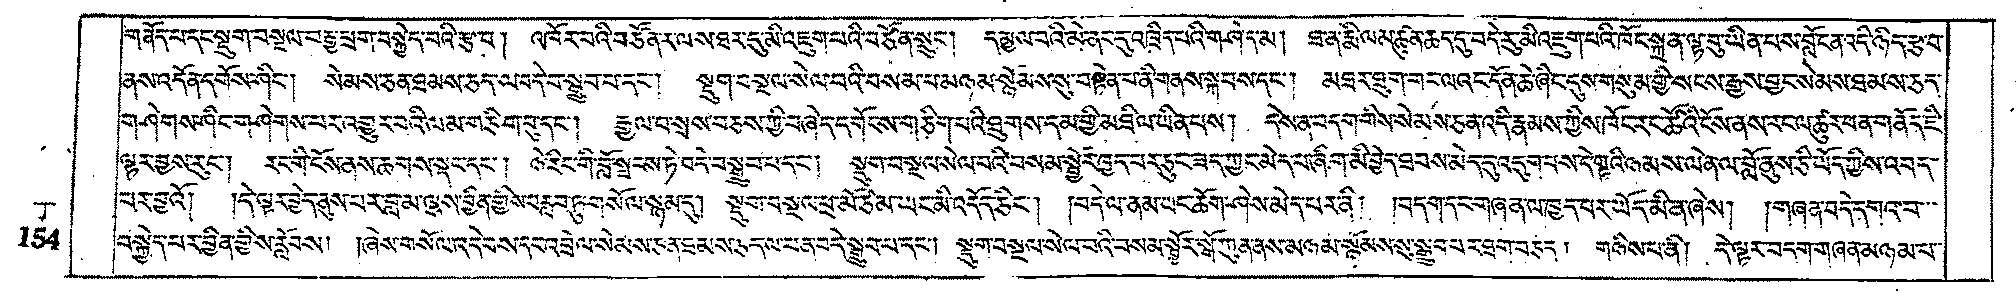གནོད་པ་དང་སྡུག་བསྔལ་བརྒྱ་ཕྲག་བསྐྱེད་པའི་རྩ་བ། འཁོར་བའི་བཙོན་ར་ལས་ཐར་དུ་མི་འཇུག་པའི་བཙོན་སྲུང་། དམྱལ་བའི་མེ་ནང་དུ་འཁྲིད་པའི་གཤེད་མ། ཐ་ན་རྨི་ལམ་ཚུན་ཆད་དུ་བདེ་རུ་མི་འཇུག་པའི་ཁོང་སྐྲན་ལྟ་བུ་ཡིན་པས་བློ་ངན་འདི་ཉིད་རྩ་བ་
ནས་འདོན་དགོས་ཤིང་། སེམས་ཅན་ཐམས་ཅད་ལ་བདེ་བ་སྒྲུབ་པ་དང་། སྡུག་བསྔལ་སེལ་བའི་བསམ་པ་མཉམ་སྙོམས་སུ་བསྟེན་པ་ནི་གནས་སྐབས་དང་། མཐར་ཐུག་གང་ལའང་དོན་ཆེ་ཞིང་དུས་གསུམ་གྱི་སངས་རྒྱས་བྱང་སེམས་ཐམས་ཅད་
གཤེགས་ཤིང་གཤེགས་པར་འགྱུར་བའི་ལམ་གཅིག་པུ་དང་། རྒྱལ་བ་སྲས་བཅས་ཀྱི་བཞེད་དགོངས་གཅིག་པའི་ཐུགས་དམ་གྱི་མཐིལ་ཡིན་པས། དེས་ན་བདག་གིས་སེམས་ཅན་འདི་རྣམས་ཀྱིས་འཁོང་རང་ཚོའི་ངོས་ནས་རང་ལ་ཚུར་ཕན་གནོད་ཇི་
ལྟར་བྱས་རུང་། རང་གི་ངོས་ནས་ཆགས་སྡང་དང་། ཉེ་རིང་གི་བློ་སྤངས་ཏེ་བདེ་བ་སྒྲུབ་པ་དང་། སྡུག་བསྔལ་སེལ་བའི་བསམ་སྦྱོར་ཁྱད་པར་ཅུང་ཟད་ཀྱང་མེད་པ་ཞིག་མི་བྱེད་ཐབས་མེད་དུ་འདུག་པས་དེ་ལྟའི་ཉམས་ལེན་ལ་བློ་ནུས་ཅི་ཡོད་ཀྱིས་འབད་་་
པར་བྱའོ། །དེ་ལྟར་བྱེད་ནུས་པར་བླ་མ་ལྷས་བྱིན་གྱིས་བརླབ་ཏུ་གསོལ་སྙམ་དུ། སྡུག་བསྔལ་ཕྲ་མོ་ཙམ་ཡང་མི་འདོད་ཅིང་། །བདེ་ལ་ནམ་ཡང་ཆོག་ཤེས་མེད་པར་ནི། །བདག་དང་གཞན་ལ་ཁྱད་པར་ཡོད་མིན་ཞེས། །གཞན་བདེ་དགའ་བ་་་
བསྐྱེད་པར་བྱིན་གྱིས་རློབས། །ཞེས་གསོལ་འདེབས་དང་འབྲེལ་སེམས་ཅན་ཐམས་ཅད་ལ་ཕན་བདེ་སྒྲུབ་པ་དང་། སྡུག་བསྔལ་སེལ་བའི་བསམ་སྦྱོར་སྒོ་ཀུན་ནས་མཉམ་སྙོམས་སུ་སྒྲུབ་པར་ཐག་བཅད། གཉིས་པ་ནི། དེ་ལྟར་བདག་གཞན་མཉམ་པ་་་